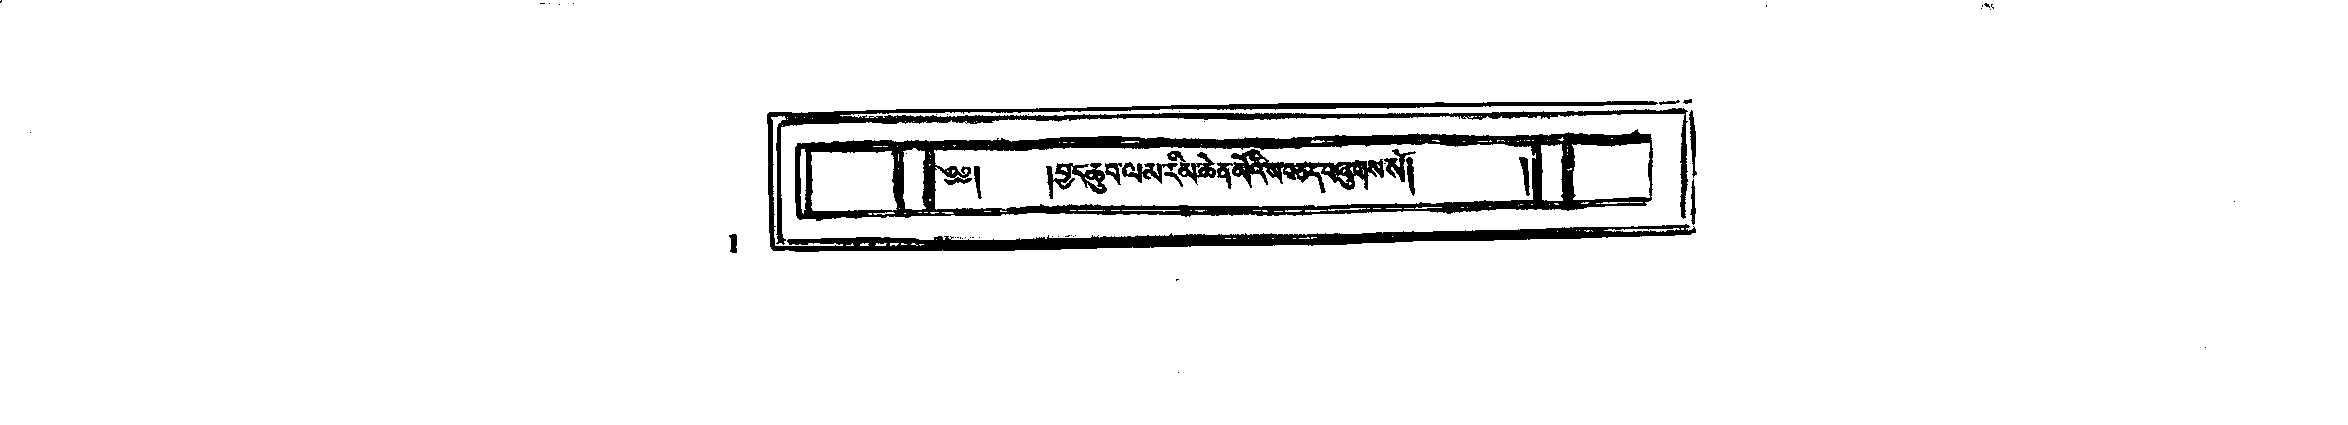༄༅། །བྱང་ཆུབ་ལམ་རིམ་ཆེན་མོའི་ས་བཅད་བཞུགས་སོ། །